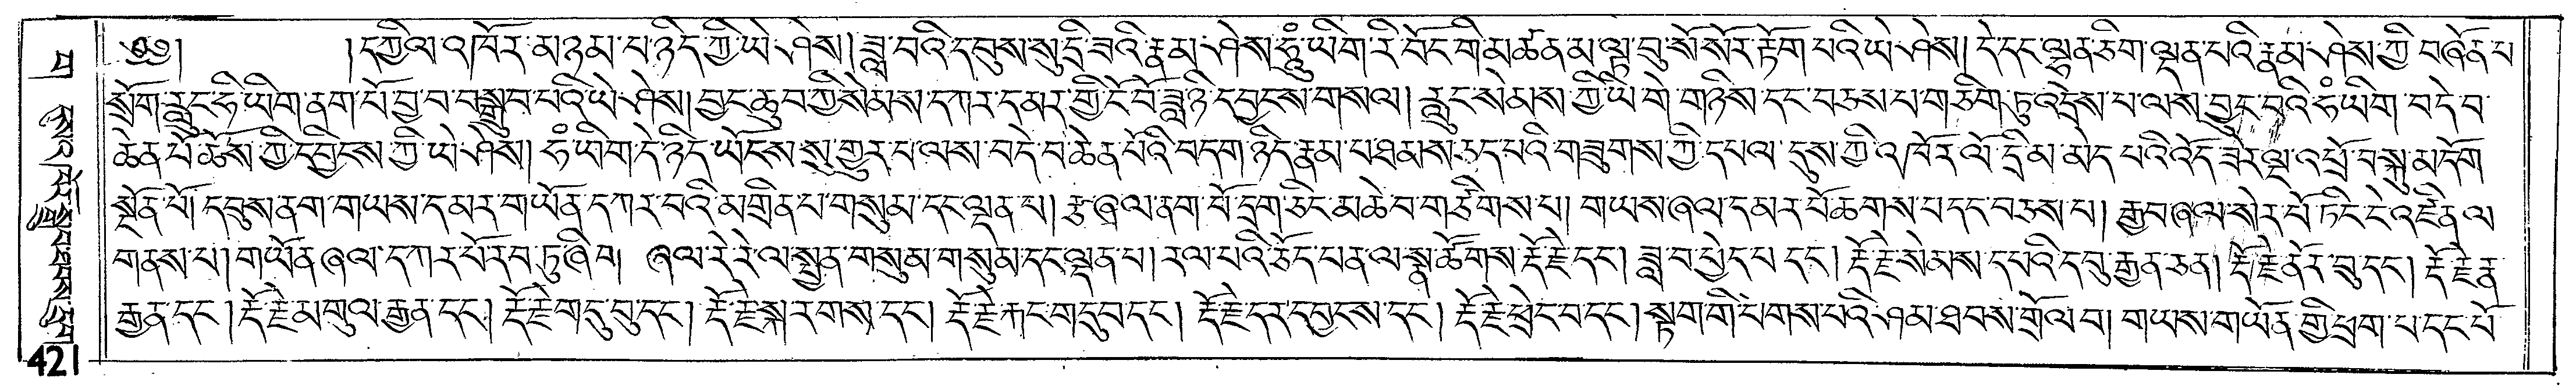༄༅། །དཀྱིལ་འཁོར་མཉམ་པ་ཉིད་ཀྱི་ཡེ་ཤེས། ཟླ་བའི་དབུས་སུ་དྲི་ཟའི་རྣམ་ཤེས་ཧཱུཾ་ཡིག་རི་བོང་གི་མཚན་མ་ལྟ་བུ་སོ་སོར་རྟོག་པའི་ཡེ་ཤེས། དེ་དང་ལྷན་ཅིག་ལྡན་པའི་རྣམ་ཤེས་ཀྱི་བཞོན་པ་
སྲོག་རླུང་ཧི་ཡིག་ནག་པོ་བྱ་བ་བསྒྲུབ་པའི་ཡེ་ཤེས། བྱང་ཆུབ་ཀྱི་སེམས་དཀར་དམར་གྱི་ངོ་བོ་ཟླ་ཉི་དབྱངས་གསལ། རླུང་སེམས་ཀྱི་ཡི་གེ་གཉིས་དང་བཅས་པ་གཅིག་ཏུ་འདྲེས་པ་ལས་བྱུང་བའི་ཧཾ་ཡིག་བདེ་བ་
ཆེན་པོ་ཆོས་ཀྱི་དབྱིངས་ཀྱི་ཡེ་ཤེས། ཧཾ་ཡིག་དེ་ཉིད་ཡོངས་སུ་གྱུར་པ་ལས་བདེ་བ་ཆེན་པོའི་བདག་ཉིད་རྣམ་པ་ཐམས་ཅད་པའི་གཟུགས་ཀྱི་དཔལ་དུས་ཀྱི་འཁོར་ལོ་དྲི་མ་མེད་པའི་འོད་ཟེར་ལྔ་འཕྲོ་བསྐུ་མདོག་
སྔོན་པོ། དབུས་ནག་གཡས་དམར་གཡོན་དཀར་བའི་མགྲིན་པ་གསུམ་དང་ལྡན་པ། རྩ་ཞལ་ནག་པོ་དྲག་ཅིང་མཆེ་བ་གཙིགས་པ། གཡས་ཞལ་དམར་པོ་ཆགས་པ་དང་བཅས་པ། རྒྱབ་ཞལ་སེར་པོ་ཏིང་ངེ་འཛིན་ལ་
གནས་པ། གཡོན་ཞལ་དཀར་པོ་རབ་ཏུ་ཞིབ། ཞལ་རེ་རེ་ལ་སྤྱན་གསུམ་གསུམ་དང་ལྡན་པ། རལ་པའི་ཅོད་པན་ལ་སྣ་ཚོགས་རྡོ་རྗེ་དང་། ཟླ་བ་ཕྱེད་པ་དང་། རྡོ་རྗེ་སེམས་དཔའི་དབུ་རྒྱན་ཅན། རྡོ་རྗེ་ནོར་བུ་དང་། རྡོ་རྗེ་རྣ་
རྒྱན་དང་། རྡོ་རྗེ་མགུལ་རྒྱན་དང་། རྡོ་རྗེ་གདུ་བུ་དང་། རྡོ་རྗེ་སྐ་རགས་དང་། རྡོ་རྗེ་རྐང་གདུབ་དང་། རྡོ་རྗེ་དར་དབྱངས་དང་། རྡོ་རྗེ་ཕྲེང་བ་དང་། སྟག་གི་པགས་པའི་ཤམ་ཐབས་གྲོལ་བ། གཡས་གཡོན་གྱི་ཕྲག་པ་དང་པོ་